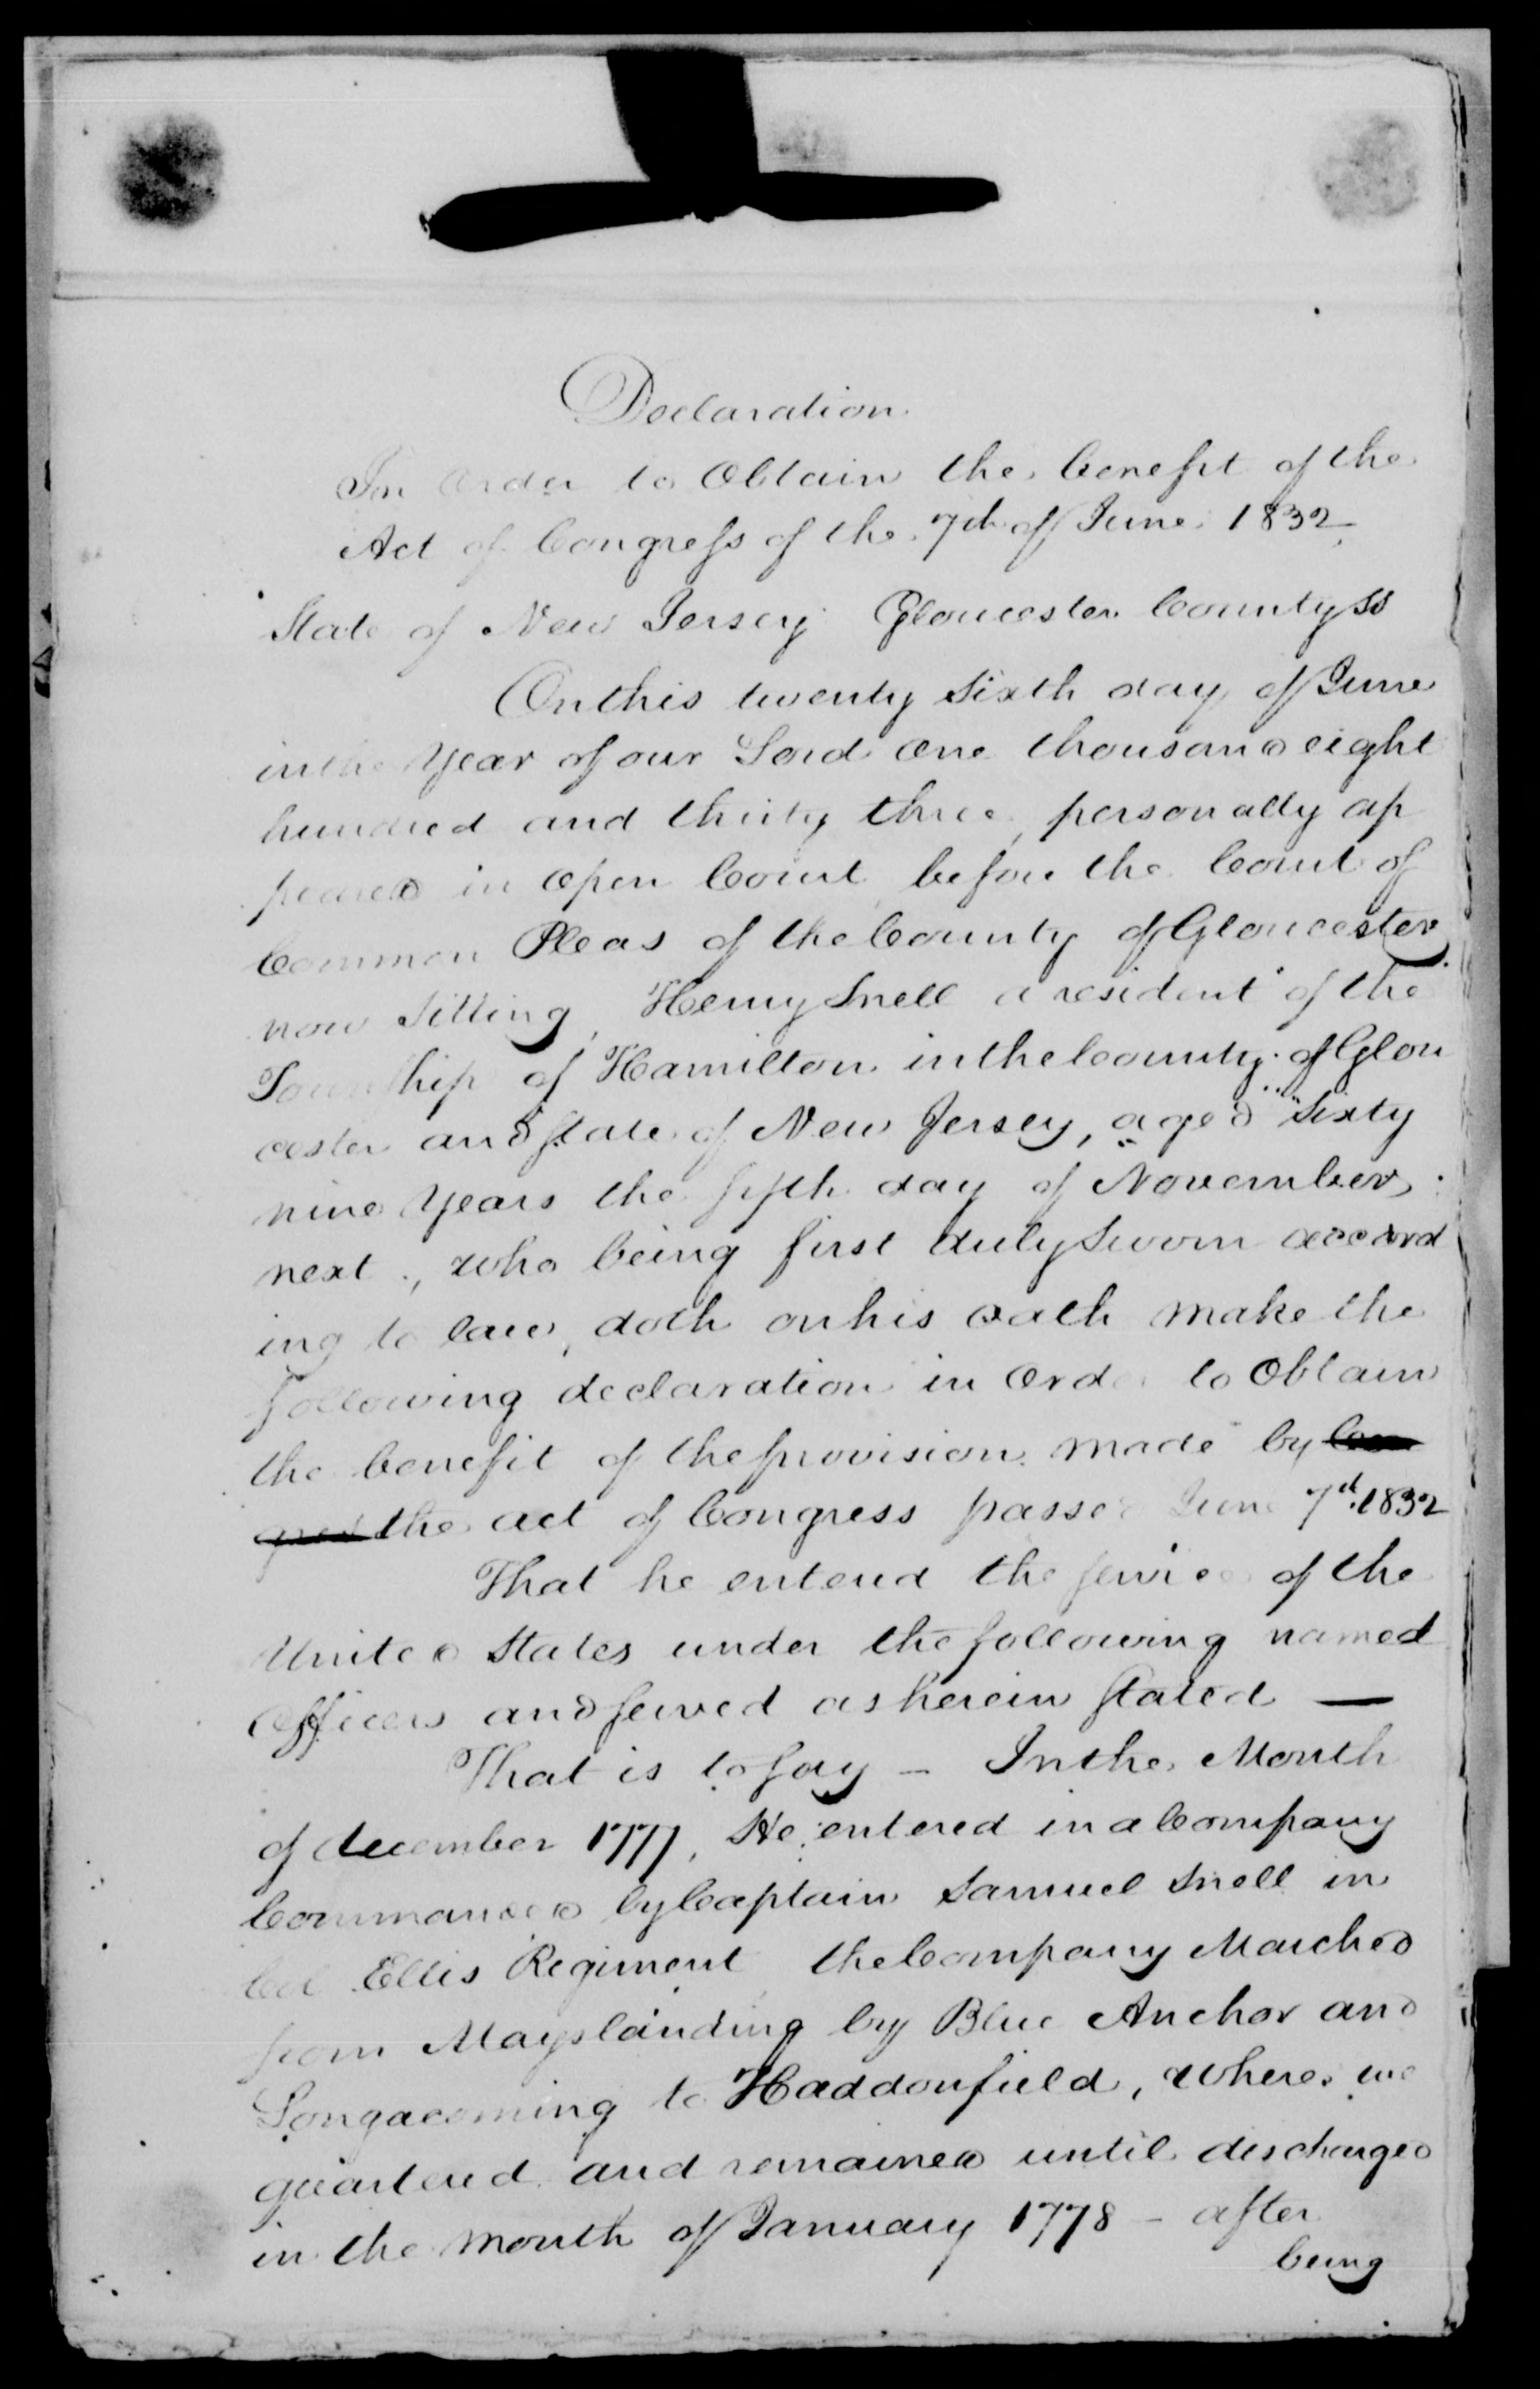Declaration
In order to obtain the benefit of the Act of Congress of the 7th of June 1832
State of New Jersey. Gloucester County

On this the twenty sixth day of June in the year of our Lord one thousand eight hundred and thirty three, personally appears in open Court before the Court of Common Pleas  of the County Gloucester now sitting, Henry Snell a resident of the Township of Hamilton in the County of Gloucester and State of New Jersey, aged Sixty nine years the first day of November next, who being first duly sworn according to the law, doth on his oath make the following declaration in and to obtain the benefit of the provisions made by the act of Congress passed June 7th 1832.

That he entered the service of the United States under the following named offices and service as herein stated – 
That is to say – in the Month of December 1777, He entered a company Commanded by Captain Samuel Snell in Col. Ellis Regiment.  The Company marched from Mayslanding by Blue Anchor and Longacoming to Haddonfield, where we quartered and remained until discharged in the month of January 1778 – after being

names: Henry Snell; Samuel Snell; Blue Anchor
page: 8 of 27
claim: rejected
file: R. 9,892, for Henry Snell, New Jersey